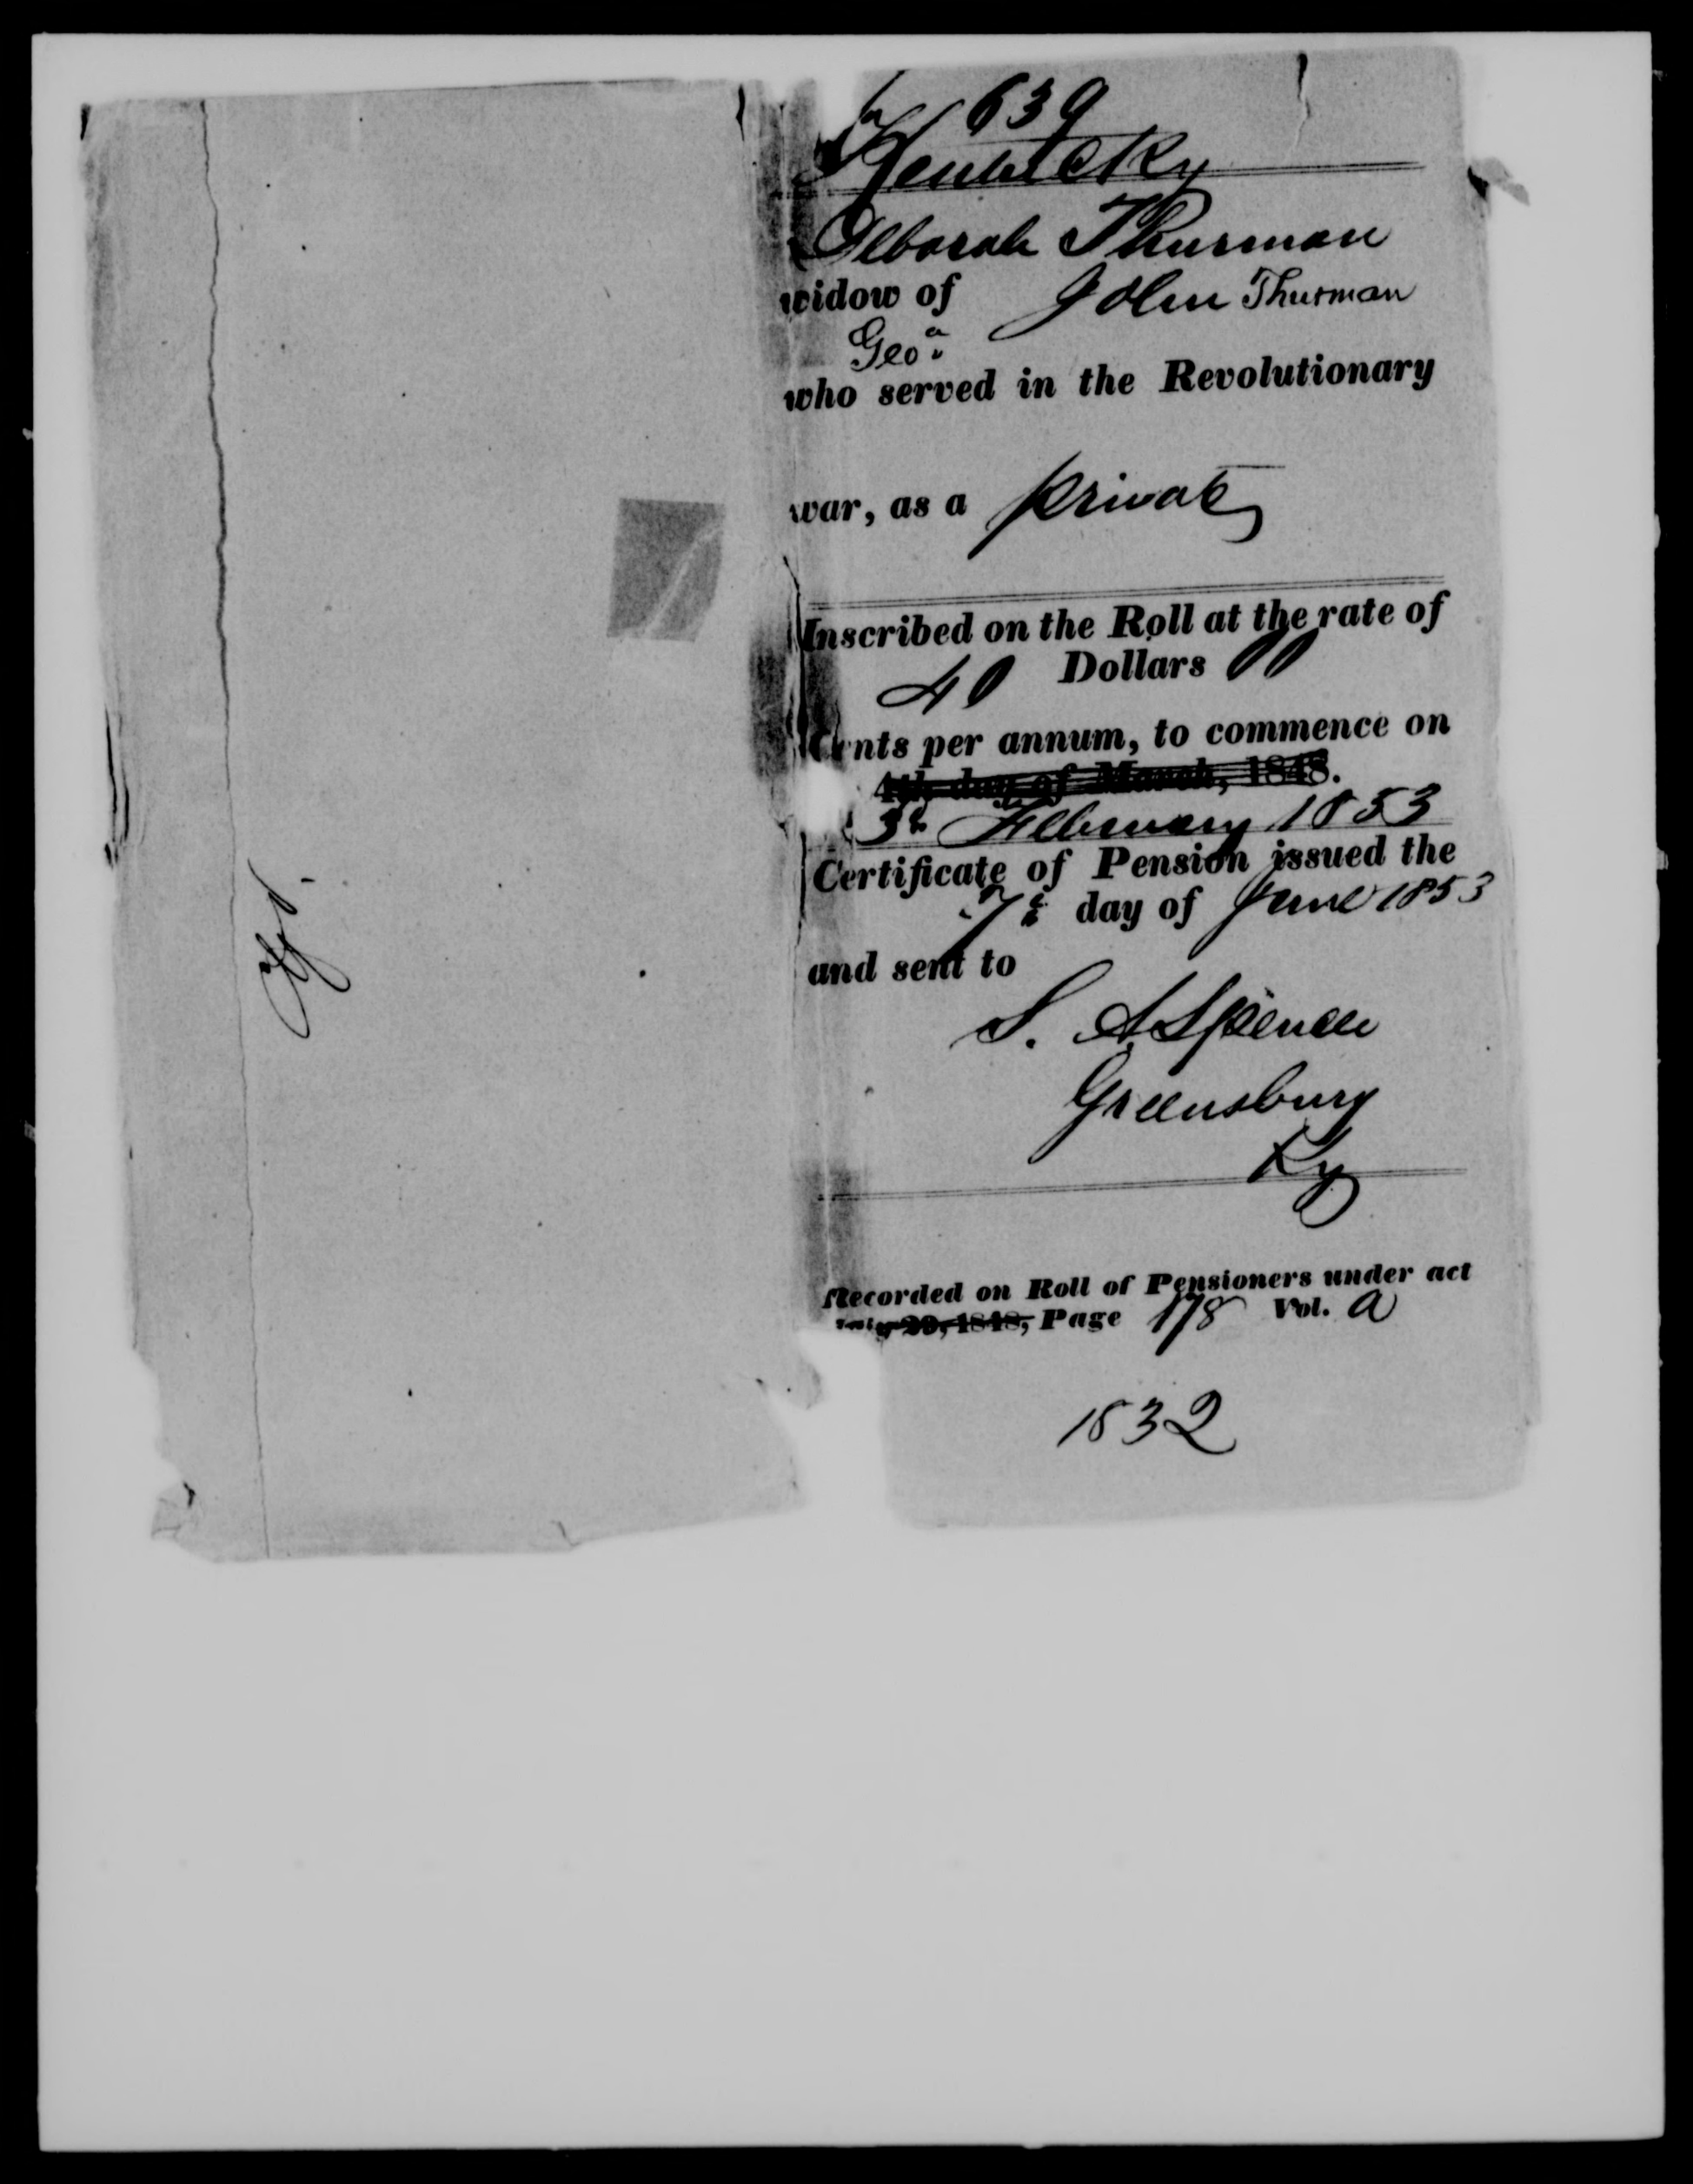[preprinted form with handwritten answers]
639
Kentucky
Deborah Thurman
widow of John Thurman
Geo
who served in the Revolutionary 
war, as a private
Inscribed on the Roll at the rate of 40 Dollars 00
Cents per annum, to commence on
[4th day of March, 1848.][crossed out] 
3 February 1853
Certificate of Pension issued the 
7th day of June 1853
and sent to 
S. A  Spencer
Greensburg Ky
Recorded on Roll of Pensions under act 
[29, 1848,][crossed out] page 178 Vol. A
1832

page: 4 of 53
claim: widow's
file: W. 6,267, for John Thurman, Georgia